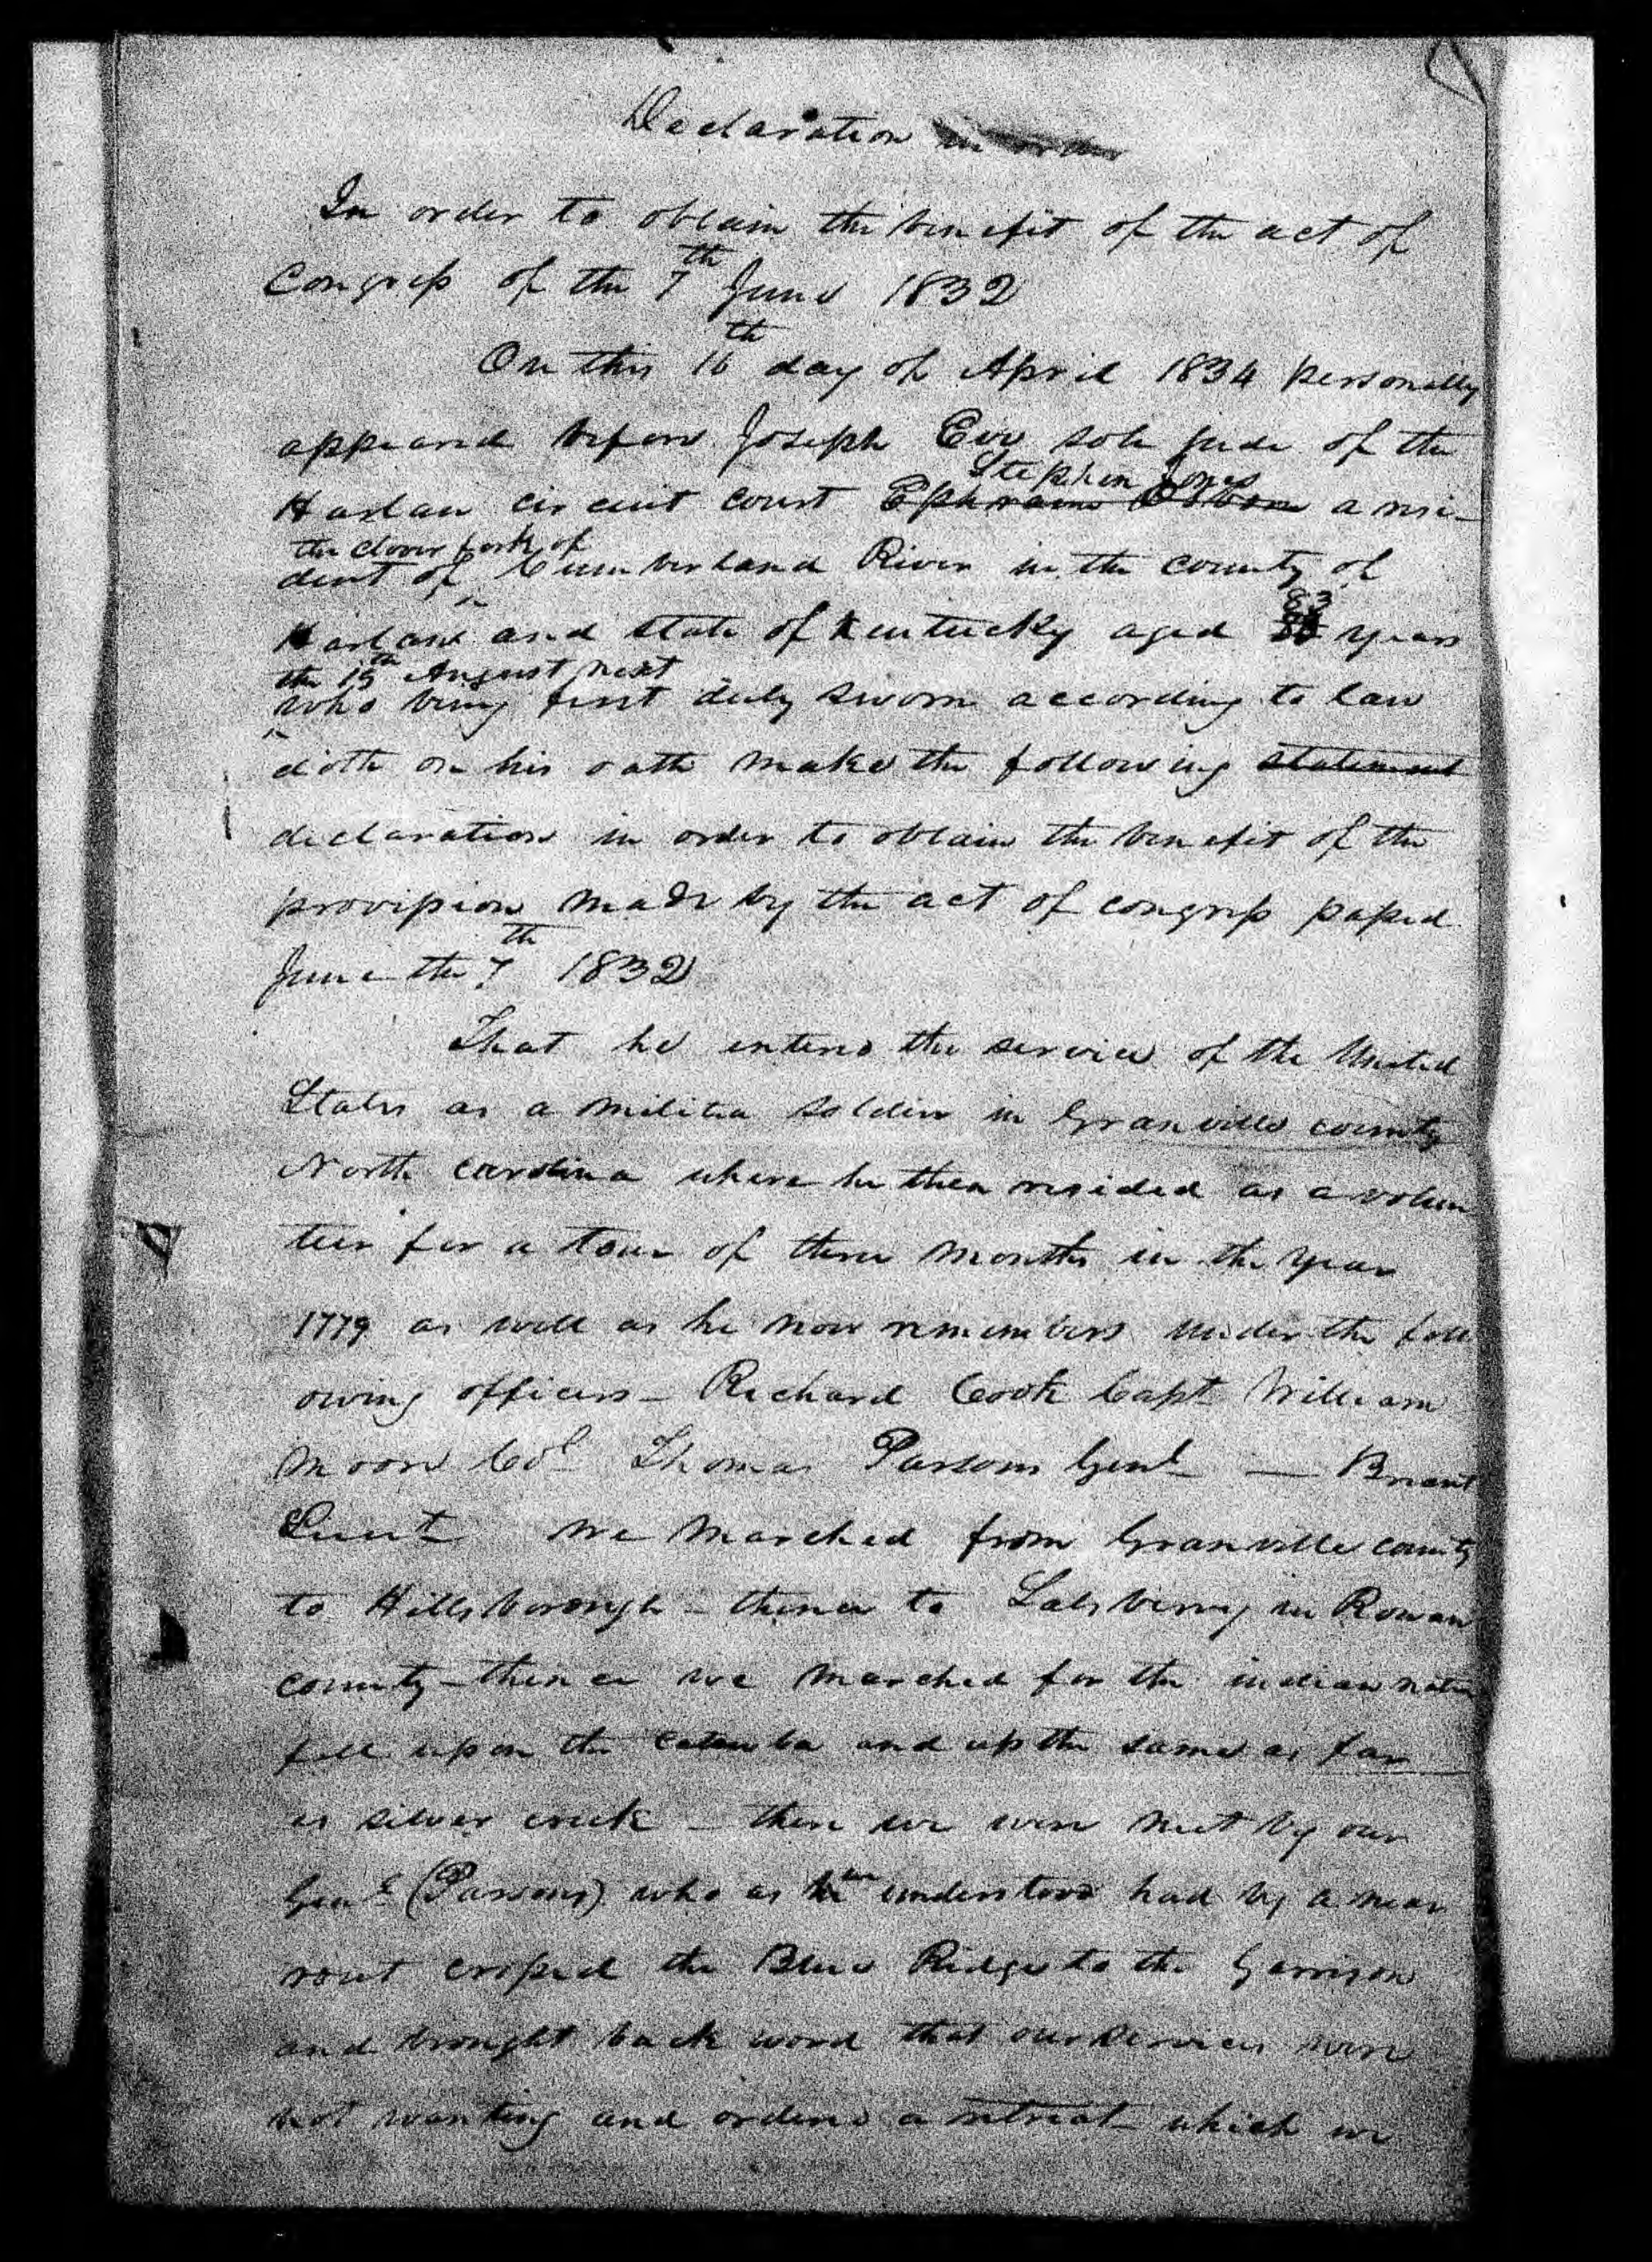Declaration in [writing?]

In order to obtain the benefit of the Act of
Congress of the 7th June 1832

On this 16th day of April 1834 personally
appeared before Joseph Eve sole jude [judge?] of the
Harlan Circuit Court Stephen Jones a resident
of the Clover Fork of the Cumberland River in the county of
Harlan and State of Kentucky aged 83 years
the 15th August next who being first duly sworn according to law
doth on his oath make the following 
declaration in order to obtain the benefit of the
provision made by the Act of Congress passed
June the 7th 1832.   
That he entered the service of the United
States as a militia soldier in Granville County
North Carolina where he then resided, as a volunteer
for a tour of three months in the year
1779 as well as he now remembers under the following
officers-- Richard Cook Capt. William 
Moore Col.. Thomas Parsons Genl - Brant
Lieut.  We marched from Granville County
to Hillsborough - thence to Salisbury in Rowan
County - thence we marched for the indian nation
full upon the Catawba and up the same as far
as silver creek - then we were met by our
Genl (Parsons) who as he understood had by a near
rout crossed the Blue Ridges to the Garrison
and brought back word that our services was
not wanting and ordered a retreat which we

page: 4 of 17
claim: survivor's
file: S. 38092, for Stephen Jones, North Carolina